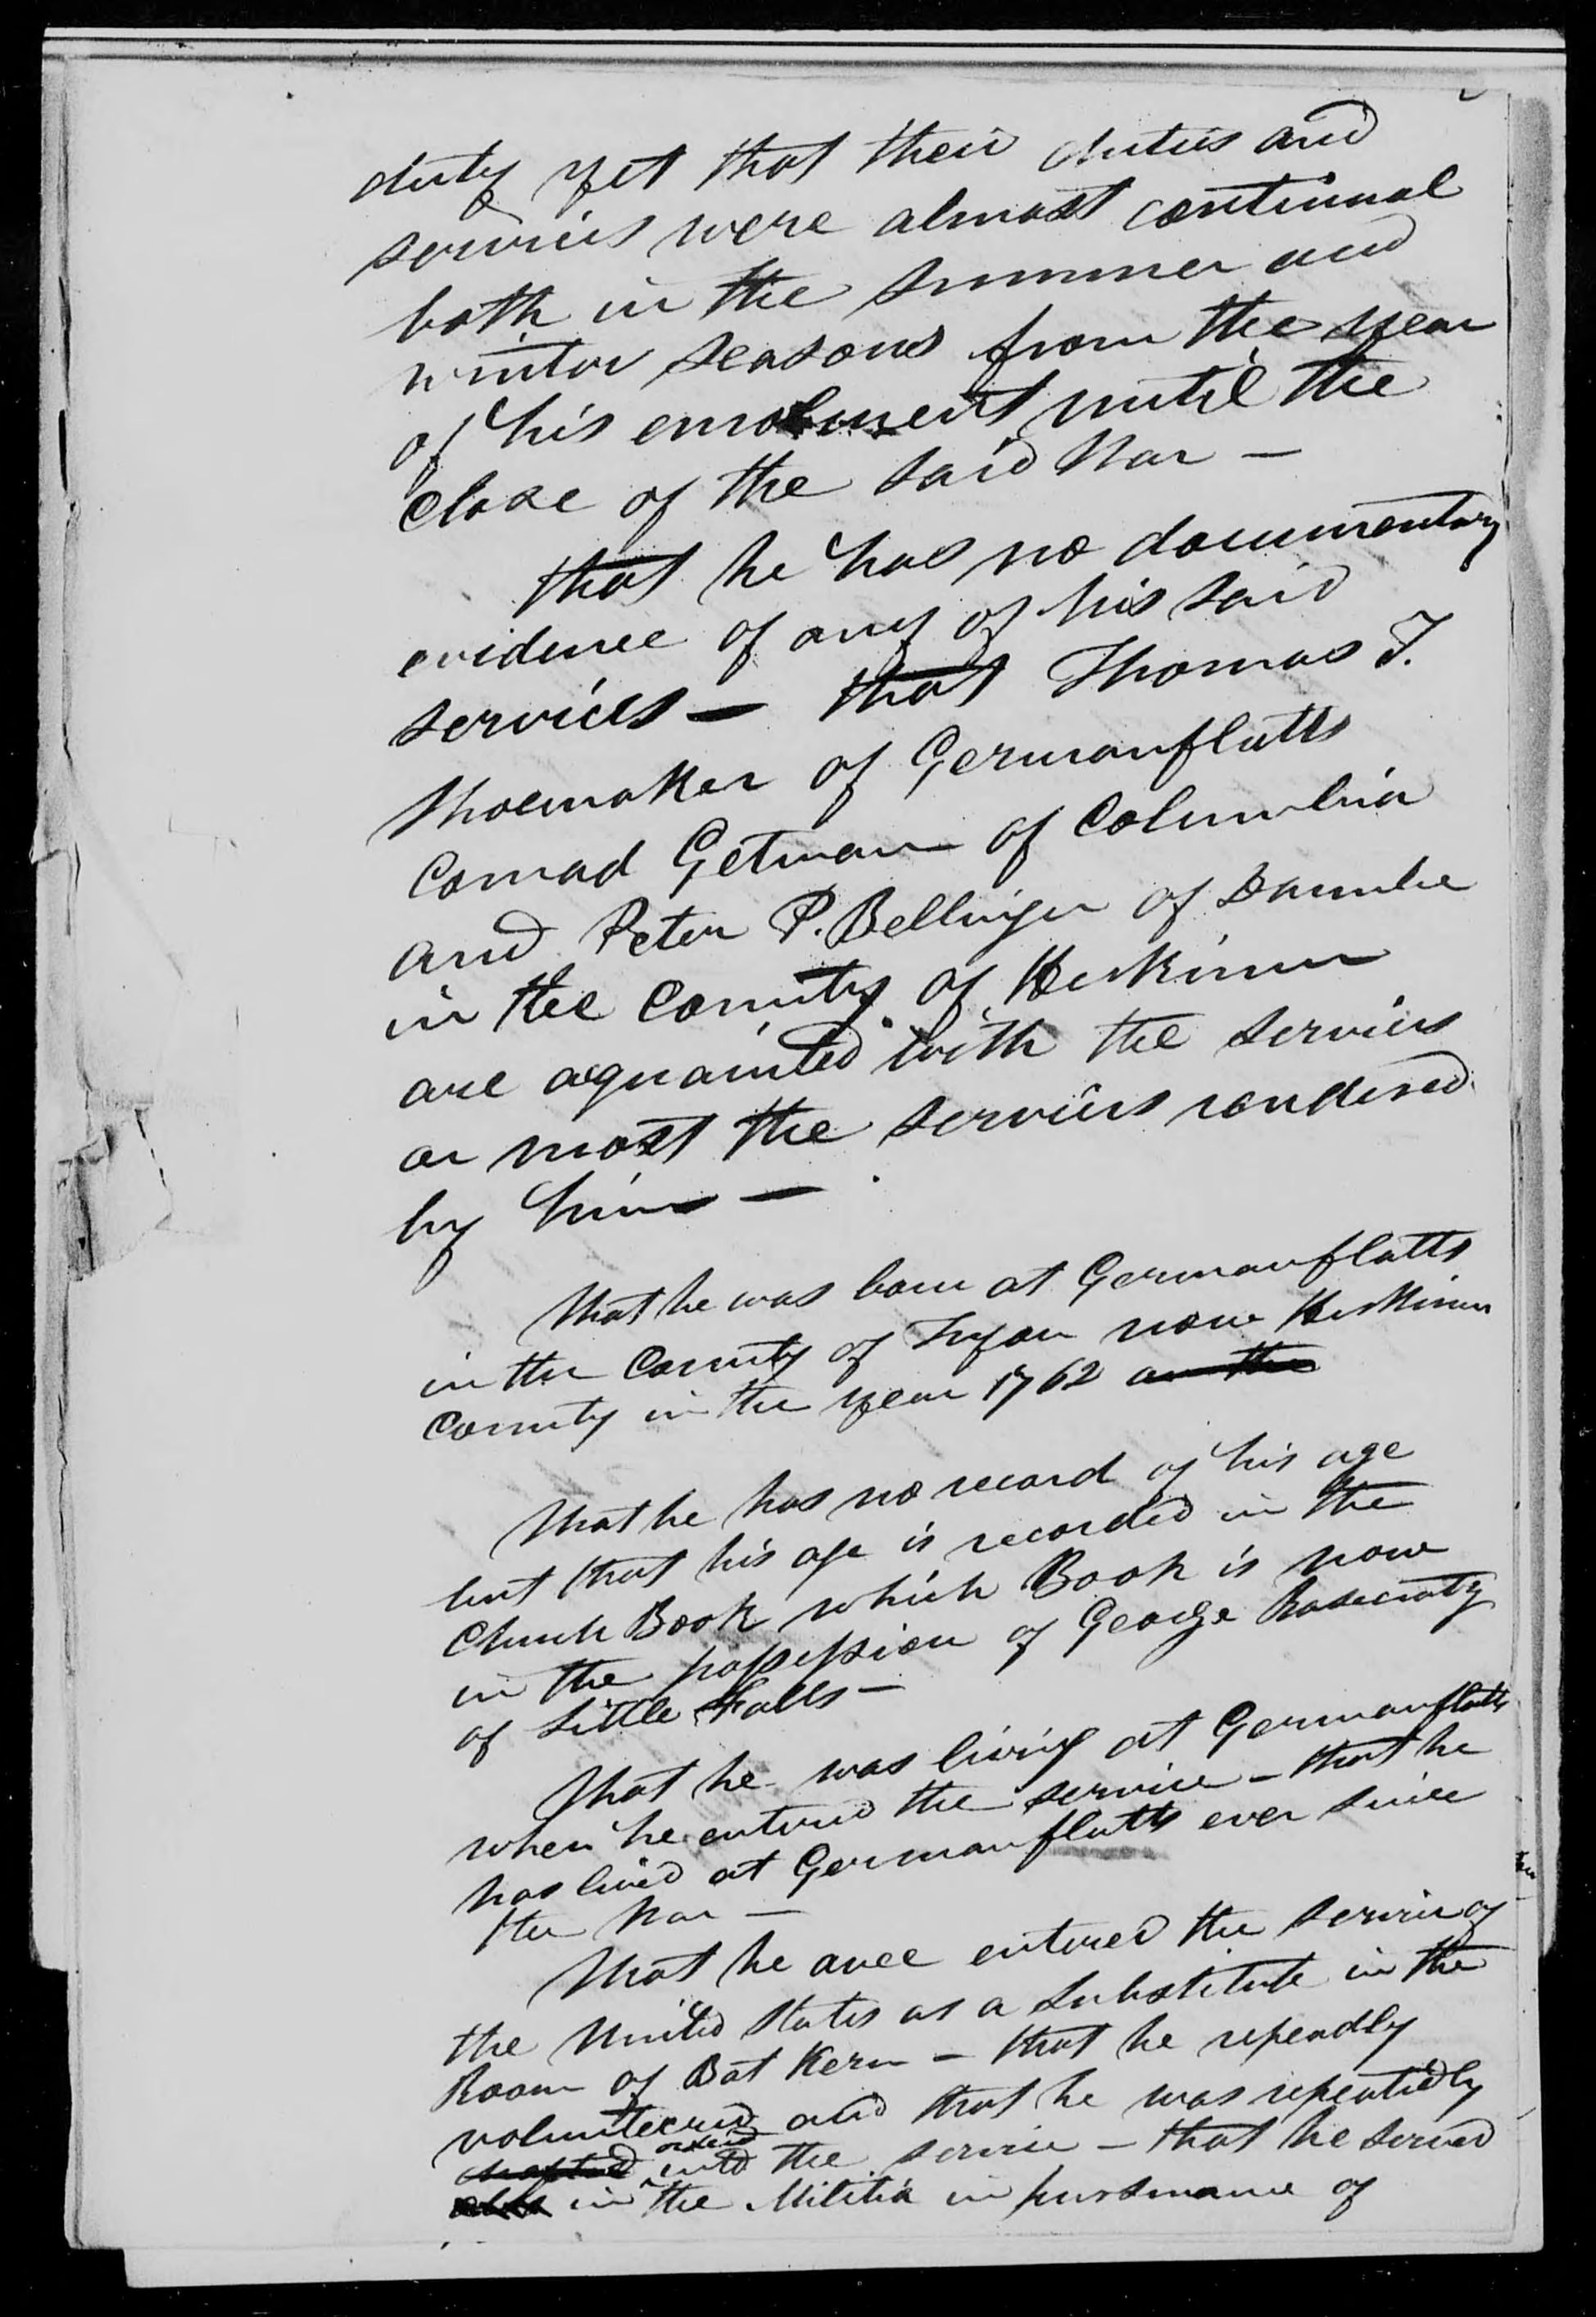[handwritten]

duty yet that their duties and services were almost continual both in the summer and winter seasons from the year of his enrolment [sic] until the close of the said war - that he has no documentary evidence of any of his said services - that Thomas J. Shoemaker of Germanflatts Conrad Getman of Columbia and Peter P. Bellinger of Danube in the county of Herkimer are acquainted with the services as most the services rendered by him - 
that he was born at Germanflatts in the county of Tryon now Herkimer county in the year 1762 [as this crossed out]
that he has no record of his age but that his age is recorded in the Church Book which Book is now in the possession of George Rosecratz of Little Falls - 
that he was living at Germanflatts when he entered the service - that he has lived at Germanflatts ever since the war -
that he once entered the service of the United States as a substitute in the Room of Bot Kern - that he repeatedly volunteered and that he was repeatedly [drafted crossed out] ordered into the service - that he served [also crossed out] in the militia in [?] of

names: George Rosecratz, Peter P Bellinger, Conrad Getman, Thomas T Shoemaker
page: 7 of 30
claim: rejected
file: R. 4927, Conrad Hess, New York